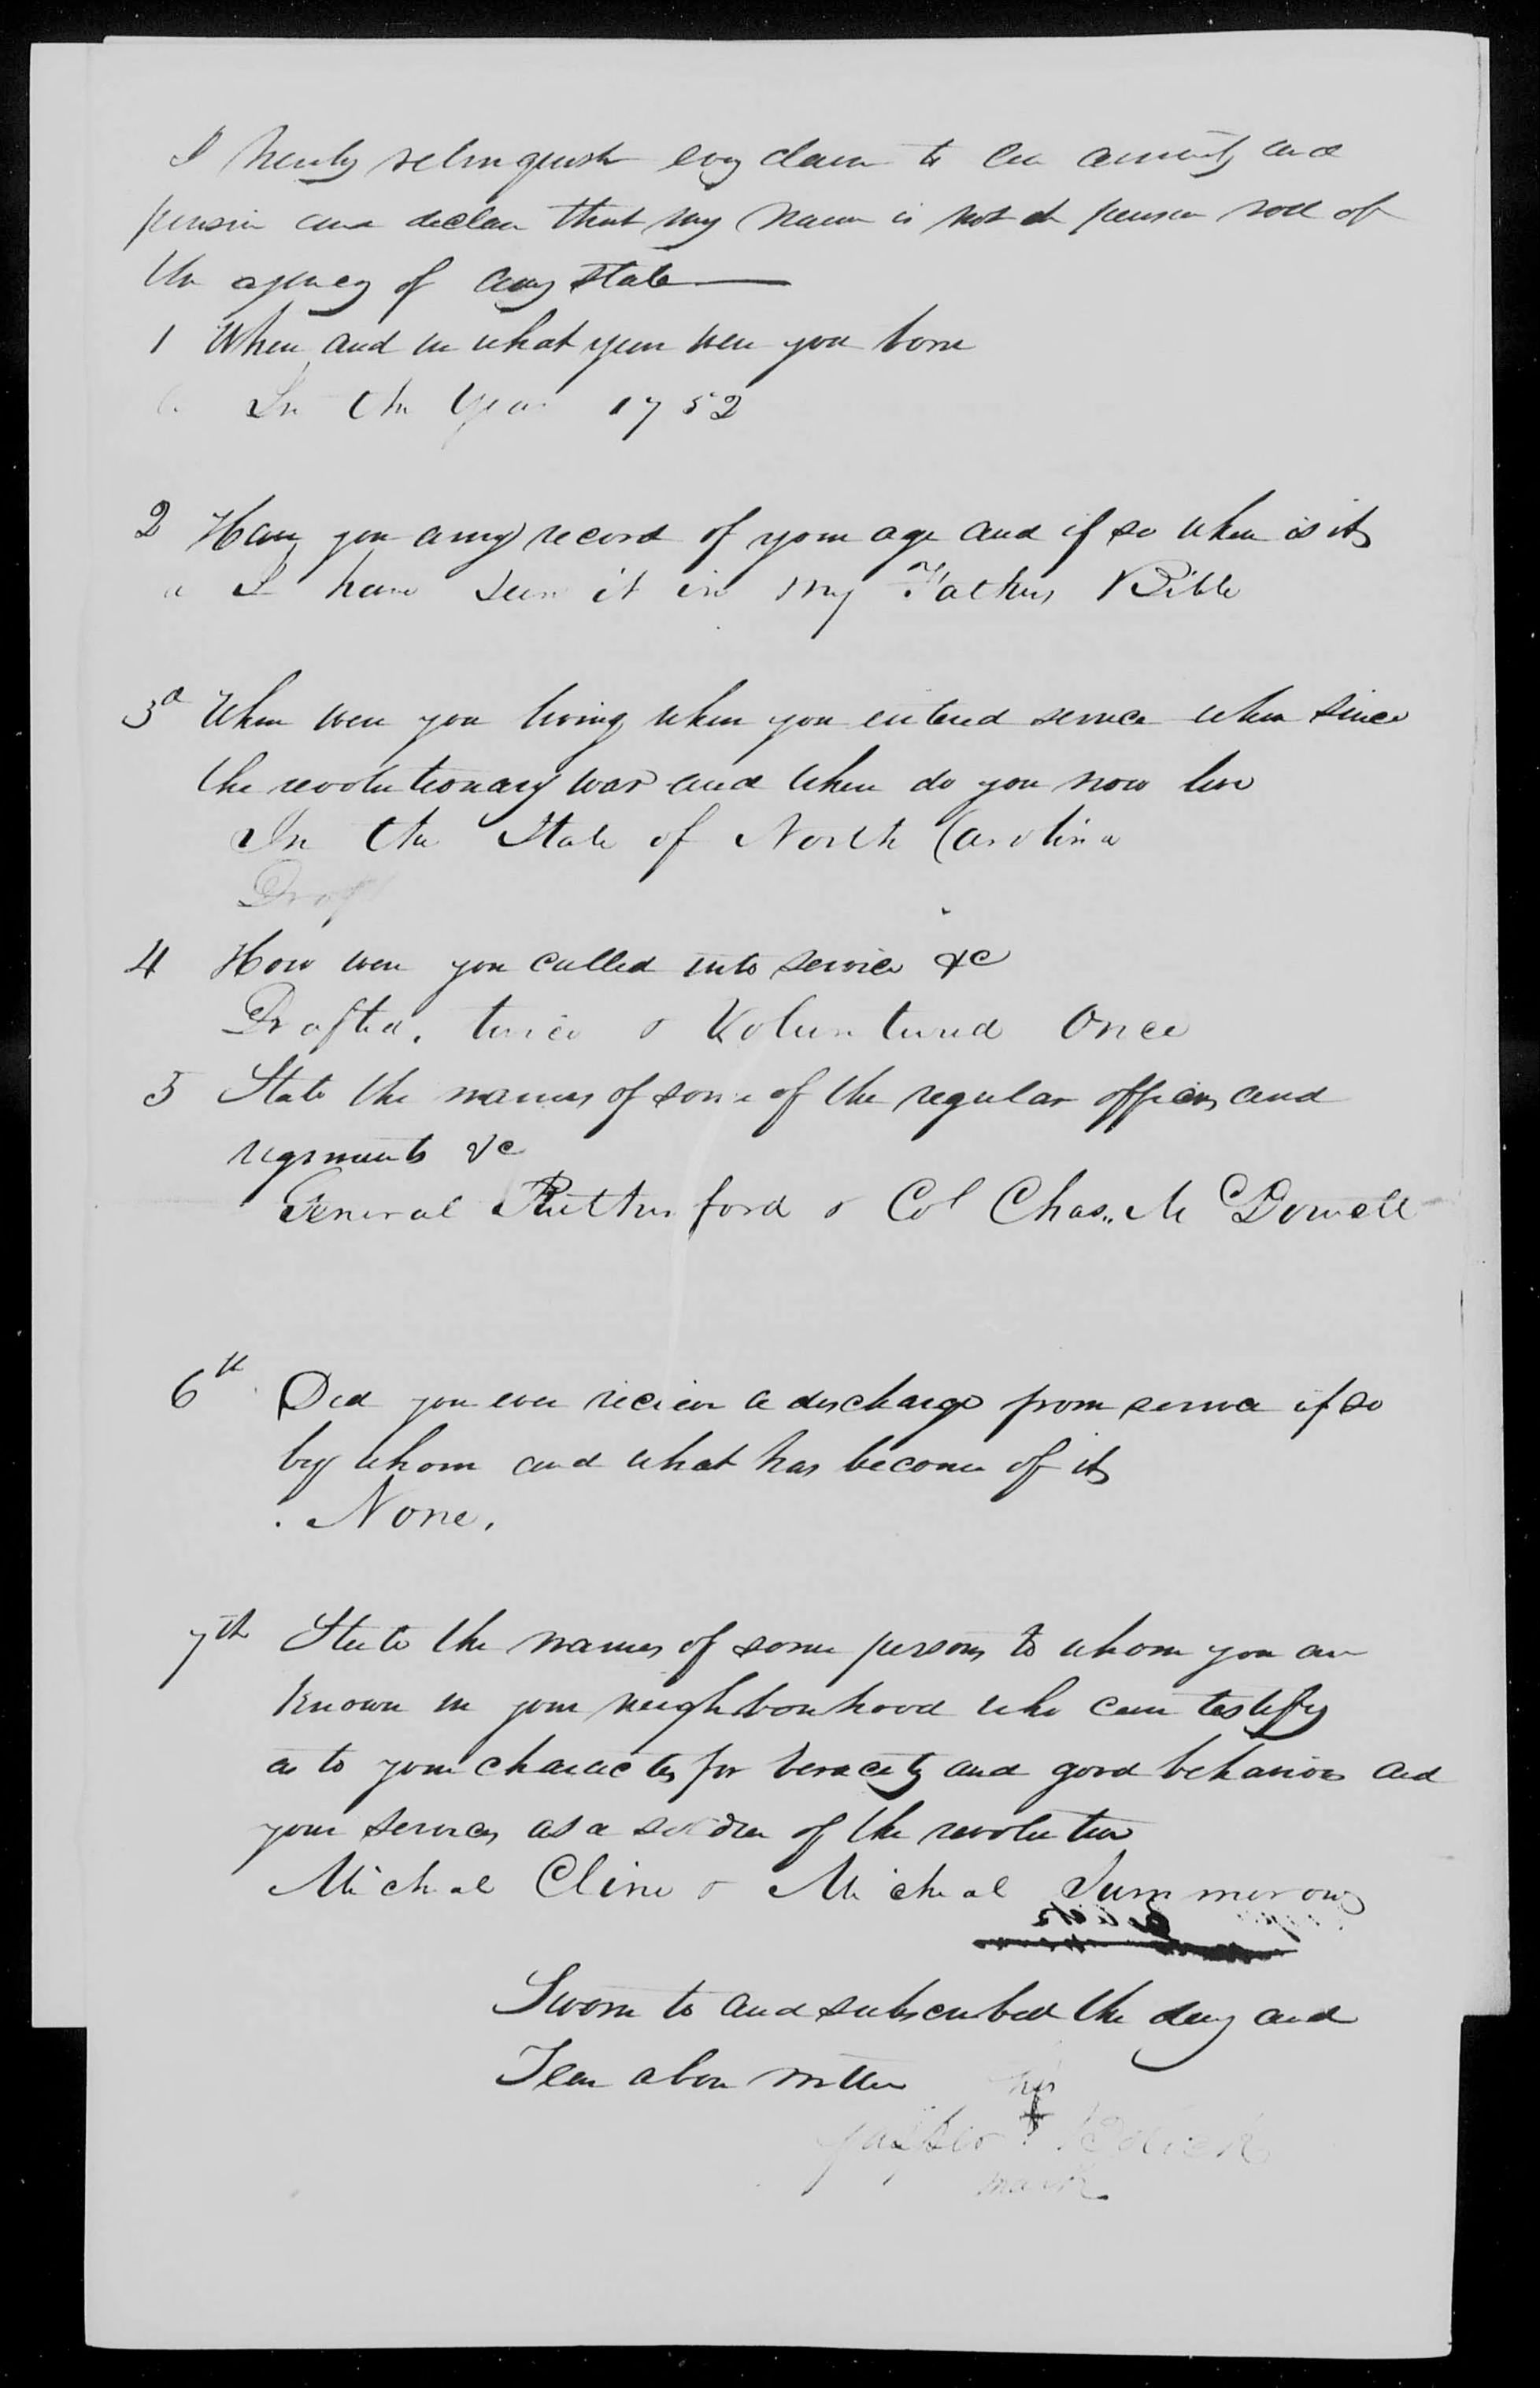I hereby relinquish every claim to an annuity and pension and declare that my name is not on pension roll of the agency of any state -

1 Where and in what year were you born
In the year 1752

2 Have you any record of your age and if so where is it
I have seen it in my Father's Bible

3d Where were you living when you entered service where since the revolutionary war and where do you now live
In the State of North Carolina

4 How were you called into service &c
Drafted twice & volunteered once

5 State the names of the regular officers and regiments &c
General Rutherford & Col. Chas. McDowell

6th Did you ever receive a discharge from service if so by whom and what has become of it?

7th State the names of some persons to whom you are known in your neighborhood who can testify as to your character for veracity and good behavior and your service as a soldier of the revolution
Michael Cline & Michael Summerow

Sworn to and subscribed the day and Term above written
[Signature] Jasper [Casper] Bolick X his mark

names: Micheal Summerow, Micheal Cline, Jasper Bolick, Rutherford, Chas Mc Dowell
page: 12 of 43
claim: widow's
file: W. 18,566, Casper Bolick, N.C.